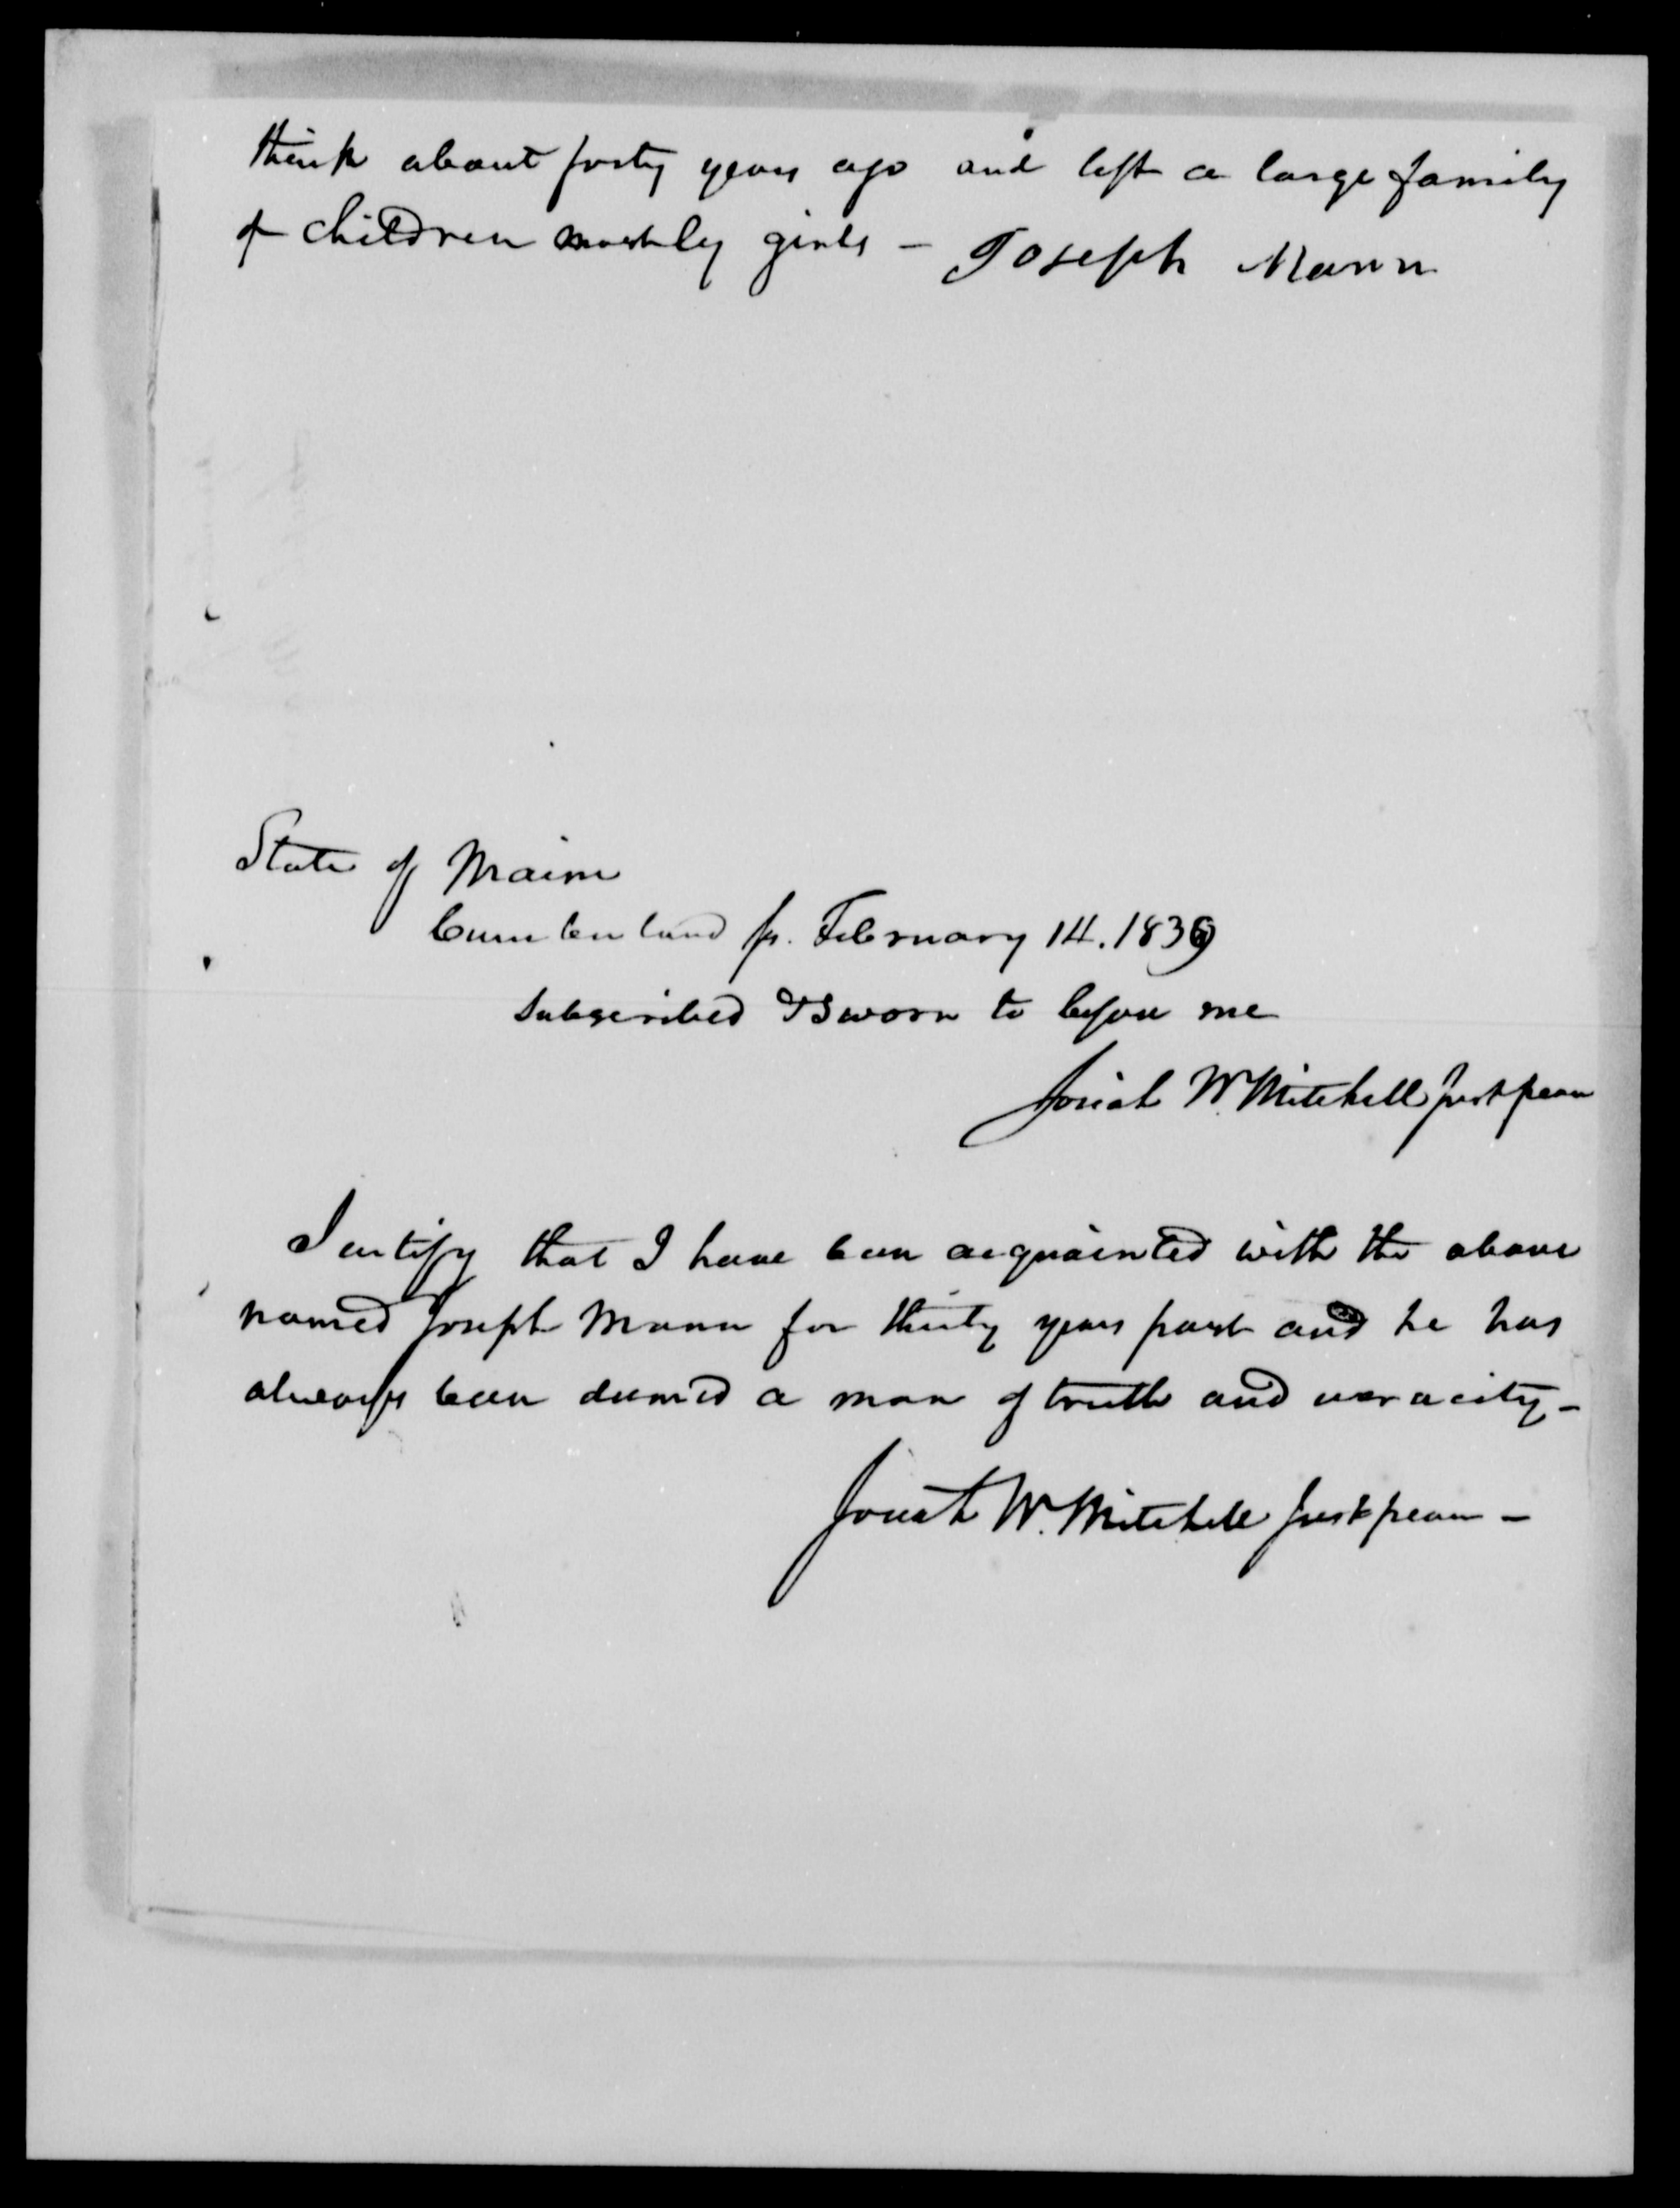[doc is written; page 2 of multipage doc]

think about forty years ago and left a large family
of children mostly girls--- Joseph Mann

State of Maine
Cumberland ss   February 14, 1839
Subscribed & sworn to before me
Josiah W. Mitchell Just peace

I certify that I have been acquainted with the above
named Joseph Mann for thirty years past and he has
always been deemed a man of truth and veracity.
Josiah W. Mitchell Just peace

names: Joseph Mann; Joseph Mann; Josiah W Mitchell; Josiah W Mitchell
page: 10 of 20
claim: widow's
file: W. 22,200, for James Sherman, Massachusetts